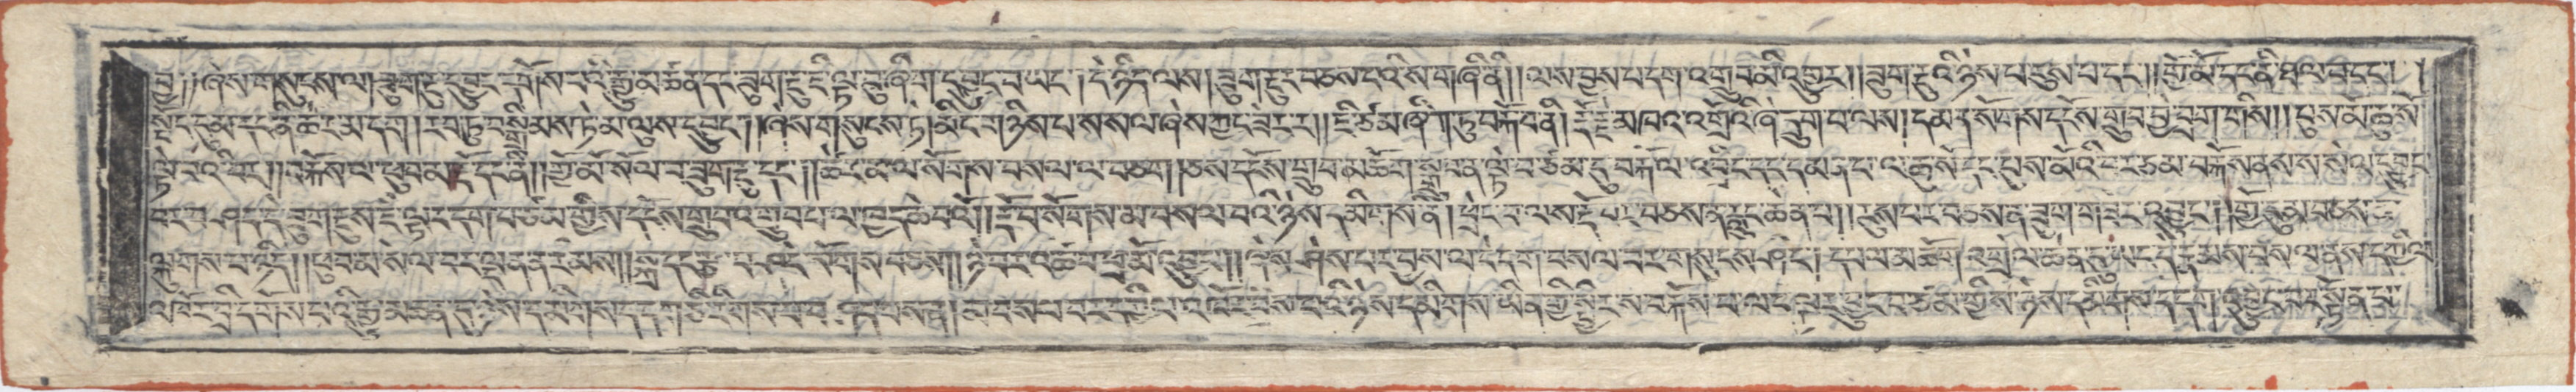བྱ༑ ༑ཞེས་གསུངས་ལ། ཟུག་རྔུ་དབྱུང་དགོས་པའི་རྒྱུ་མཚན་དང་ཟུག་རྔུ་ཇི་ལྟ་བུ་ཞིག་དབྱུང་བ་ཡང་། དེ་ཉིད་ལས། ཟུག་རྔུར་བཅས་པའི་ས་གཞི་ནི། །ལས་བྱས་པ་དག་འགྲུབ་མི་འགྱུར། །ཟུག་རྔུའི་ཉེས་པ་རུས་པ་དང་། །གྱོ་མོ་དང་ནི་ཐལ་བ་དང་། །
སྡོང་དུམ་དང་ནི་ཚེར་མ་དག །རབ་ཏུ་བསྒྲིམས་ཏེ་མ་ལུས་དབྱུང་། །ཞེས་གསུངས་ཏེ། མིང་གཉིས་པ་ས་སལ་ཞེས་ཀྱང་ཟེར་ར། །ཇི་ཙམ་ཞིག་ཏུ་བརྐོ་བ་ནི། རྡོ་རྗེ་མཁའ་འགྲོའི་ཞེ་དྲུག་པ་ལས། དམན་སོགས་དངོས་གྲུབ་བྱེ་བྲག་གིས། །པུས་མོ་ཆུ་སོ་
ལྟེ་བའི་བར། །བརྐོས་ལ་ཕུབ་མ་རྡོ་དང་ནི། །གྱོ་མོ་སོལ་བ་ཟུག་རྔུ་དང་། །ཚེར་མ་ལ་སོགས་བསལ་ལ་བཅག །ཅེས་དངོས་གྲུབ་མཆོག་སྒྲུབ་ན་ལྟེ་བ་ཙམ་དུ་བརྐོ་ལ་འབྲིང་དང་དམན་པ་ལ་ཆུ་སོ་དང་པུས་མོའི་བར་ཙམ་བརྐོས་ནས་ས་སེལ་དབྱུང་
བར་བཤད་དེ་ཟུག་རྔུས་ཇི་ལྟར་དག་པ་ཙམ་གྱིས་དངོས་གྲུབ་འགྲུབ་པ་ལ་ཁྱད་ཆེ་བའོ། །རྡོ་བ་སོགས་མ་བསལ་བའི་ཉེས་དམིགས་ན། ཕྲེང་བ་ལས་རྡོ་བར་བཅས་ན་རླུང་ཆེན་པ། །རུས་པར་བཅས་ན་ཟུག་གཟེར་འབྱུང་། །གྱོ་དུམ་བཅས་ན་
ལྐུགས་པ་ཉིད། །ཕུབ་མ་སེལ་བར་ལྡན་ན་རིམས། །སྐྲ་དང་རྩ་བཤད་སོགས་བཅས། །ཉེ་བར་འཚེ་བ་ཕྲ་མོ་འབྱུང་། །ཞེས་ཤེས་པར་བྱས་ལ་དེ་དག་བསལ་བར་གསུངས་ཤིང་། དཔལ་མཆོག་འགྲེལ་ཆེན་དུ་ཡང་དེ་རྣམས་བསལ་ནས་དཀྱིལ་
འཁོར་བྲི་དགོས་པའི་རྒྱུ་མཚན་དུ་ཉེས་དམིགས་དེ་དག་ཅི་རིགས་པ་བཤད་པས་ན། མ་བསལ་བར་དཀྱིལ་འཁོར་བྲིས་བའི་ཉེས་དམིགས་ཡིན་གྱི་སྤྱིར་ས་བརྐོས་པ་ལ་དེ་ལྟར་བྱུང་བ་ཙམ་གྱིས་ཉེས་དམིགས་དེ་དག་འབྱུང་བར་སྟོན་པ་